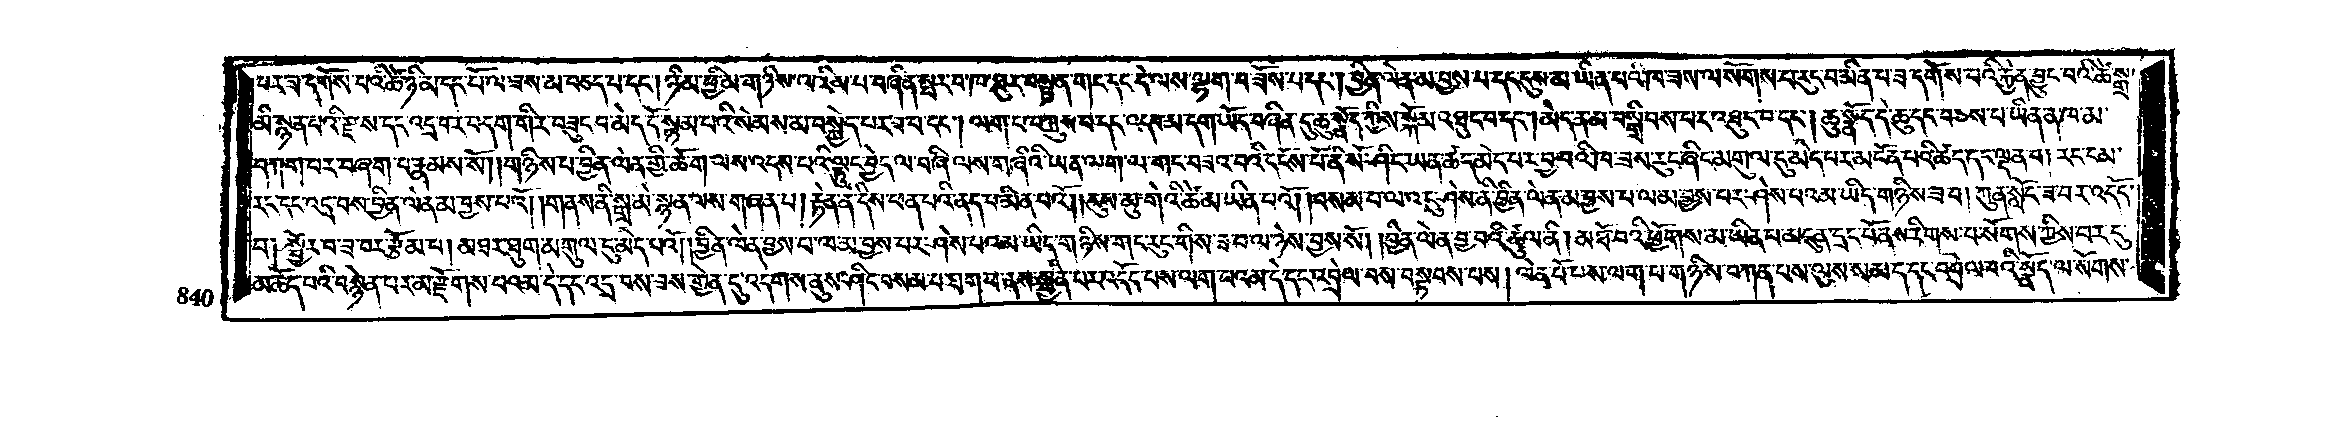པར་ཟ་དགོས་པའི་ཚེ་ཉི་མ་དང་པོ་ལ་ཟས་མ་བཅད་པ་དང་། ཉི་མ་ཕྱི་མ་གཉིས་ལ་རིམ་པ་བཞིན་སྤར་བ་ཁ་ཐུར་བསྟན་གང་དང་དེ་ལས་ལྷག་བཟོས་པ་དང་། བྱིན་ལེན་མ་བྱས་པ་དང་དུས་མ་ཡིན་པའི་ཁ་ཟས་ལ་སོགས་པ་རུང་བ་མིན་པ་ཟ་དགོས་པའི་རྐྱེན་བྱུང་བའི་ཚེ་སྒྲ་
མི་སྙན་པའི་རྫས་དང་འདྲ་བར་བདག་གིར་བཟུང་བ་མེད་དོ་སྙམ་པའི་སེམས་མ་བསྐྱེད་པར་ཟ་བ་དང་། ལག་པ་བཀྲུས་བ་དང་འདབ་མ་དག་ཡོད་བཞིན་དུ་ཆུ་སྣོད་ཀྱིས་སྐོམ་འཐུང་བ་དང་། མེད་ན་མ་བསྒྲིབས་པར་འཐུང་བ་དང་། ཆུ་སྣོད་དེ་ཆུ་དང་བཅས་པ་ཡིན་ན་ཁ་མ་
བཀག་པར་བཞག་པ་རྣམས་སོ། །གཉིས་པ་བྱིན་ལེན་གྱི་ཆོ་ག་ལས་འདས་པའི་ལྟུང་བྱེད་ལ་བཞི་ལས་གཞིའི་ཡན་ལག་ལ་གང་བཟའ་བའི་དངོས་པོ་ནི་སོ་ཤིང་ཡན་ཚད་མེད་པར་བྱ་བའི་ཁ་ཟས་རུང་ཞིང་མགུལ་དུ་མེད་པར་མངོན་པའི་ཚད་དང་ལྡན་པ། རང་ངམ་
རང་དང་འདྲ་བས་བྱིན་ལེན་མ་བྱས་པའོ། །གནས་ནི་སྒྲ་མེ་སྙན་ལས་གཞན་པ། རྟེན་ན་དེས་ཕན་པའི་ནད་པ་མིན་པའོ། །དུས་མུ་གེའི་ཚེ་མ་ཡིན་པའོ། །བསམ་པ་ལ་འདུ་ཤེས་ནི་བྱིན་ལེན་མ་བྱས་པ་ལ་མ་བྱས་པར་ཤེས་པའམ་ཡིད་གཉིས་ཟ་བ། ཀུན་སློང་ཟ་བར་འདོད་
པ། སྦྱོར་བ་ཟ་བར་རྩོམ་པ། མཐར་ཐུག་མགུལ་དུ་མེད་པའོ། །བྱིན་ལེན་བྱས་པ་ལ་མ་བྱས་པར་ཤེས་པའམ་ཡིད་གཉིས་གང་རུང་གིས་ཟ་བ་ལ་ཉེས་བྱས་སོ། །བྱིན་ལེན་བྱ་བའི་ཚུལ་ནི། མཐོ་བའི་ཕྱོགས་མ་ཡིན་པ་མདུན་དྲང་པོ་ནས་རིགས་པ་སོགས་ཀྱིས་བར་དུ་
མཆོད་པའི་བསྙེན་པར་མ་རྫོགས་པའམ་དེ་དང་འདྲ་བས་ཟས་གྱེན་དུ་འདེགས་ནུས་ཤིང་བསམ་པ་ཐག་པ་ནས་སྦྱིན་པར་འདོད་པས་ལག་པའམ་དེ་དང་འབྲེལ་བས་བསྟབས་པས། ལེན་པོ་པས་ལག་པ་གཉིས་བཀན་པས་ལུས་སམ་ད་དང་འབྲེལ་བའི་སྣོད་ལ་སོགས་